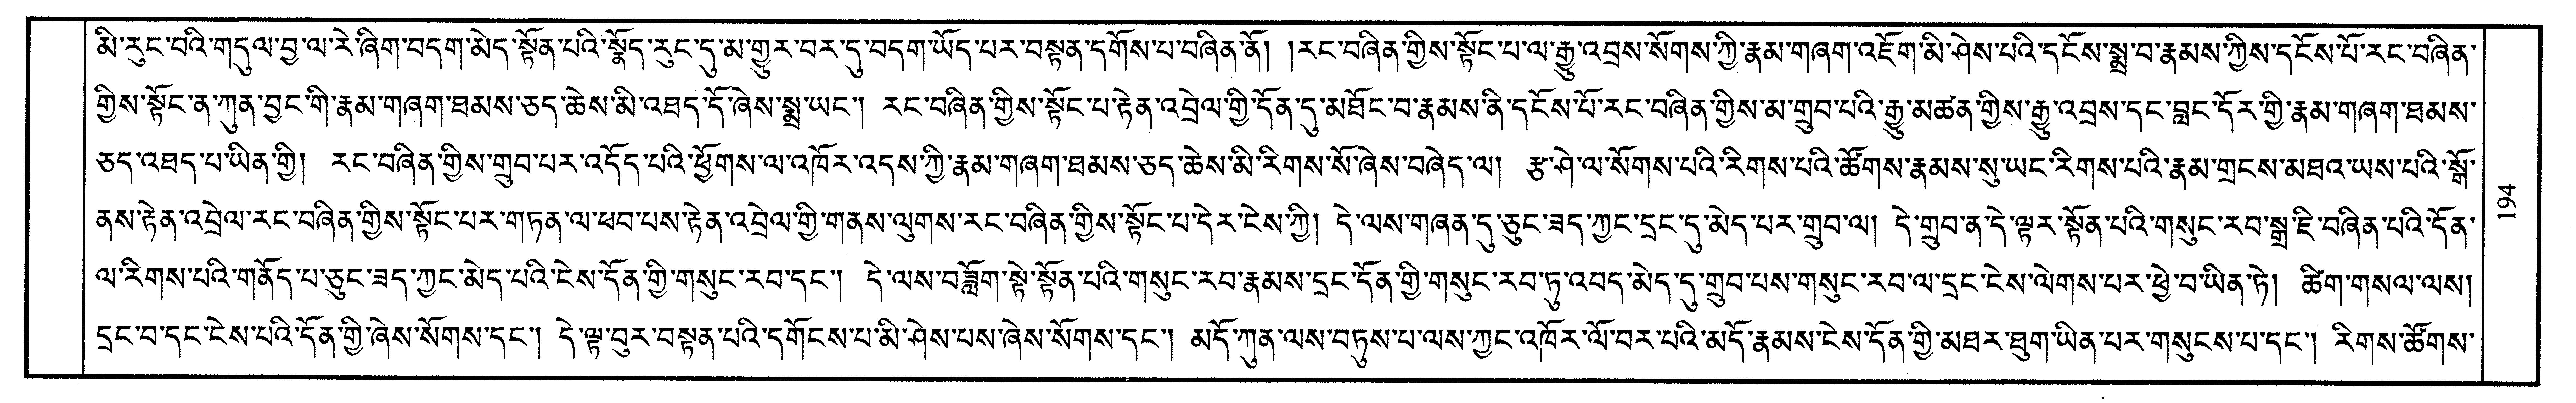མི་རུང་བའི་གདུལ་བྱ་ལ་རེ་ཞིག་བདག་མེད་སྟོན་པའི་སྣོད་རུང་དུ་མ་གྱུར་བར་དུ་བདག་ཡོད་པར་བསྟན་དགོས་པ་བཞིན་ནོ། །རང་བཞིན་གྱིས་སྟོང་པ་ལ་རྒྱུ་འབྲས་སོགས་ཀྱི་རྣམ་གཞག་འཇོག་མི་ཤེས་པའི་དངོས་སྨྲ་བ་རྣམས་ཀྱིས་དངོས་པོ་རང་བཞིན་
གྱིས་སྟོང་ན་ཀུན་བྱང་གི་རྣམ་གཞག་ཐམས་ཅད་ཆེས་མི་འཐད་དོ་ཞེས་སྨྲ་ཡང་། རང་བཞིན་གྱིས་སྟོང་པ་རྟེན་འབྲེལ་གྱི་དོན་དུ་མཐོང་བ་རྣམས་ནི་དངོས་པོ་རང་བཞིན་གྱིས་མ་གྲུབ་པའི་རྒྱུ་མཚན་གྱིས་རྒྱུ་འབྲས་དང་བླང་དོར་གྱི་རྣམ་གཞག་ཐམས་
ཅད་འཐད་པ་ཡིན་གྱི། རང་བཞིན་གྱིས་གྲུབ་པར་འདོད་པའི་ཕྱོགས་ལ་འཁོར་འདས་ཀྱི་རྣམ་གཞག་ཐམས་ཅད་ཆེས་མི་རིགས་སོ་ཞེས་བཞེད་ལ། རྩ་ཤེ་ལ་སོགས་པའི་རིགས་པའི་ཚོགས་རྣམས་སུ་ཡང་རིགས་པའི་རྣམ་གྲངས་མཐའ་ཡས་པའི་སྒོ་
ནས་རྟེན་འབྲེལ་རང་བཞིན་གྱིས་སྟོང་པར་གཏན་ལ་ཕབ་པས་རྟེན་འབྲེལ་གྱི་གནས་ལུགས་རང་བཞིན་གྱིས་སྟོང་པ་དེར་ངེས་ཀྱི། དེ་ལས་གཞན་དུ་ཅུང་ཟད་ཀྱང་དྲང་དུ་མེད་པར་གྲུབ་ལ། དེ་གྲུབ་ན་དེ་ལྟར་སྟོན་པའི་གསུང་རབ་སྒྲ་ཇི་བཞིན་པའི་དོན་
ལ་རིགས་པའི་གནོད་པ་ཅུང་ཟད་ཀྱང་མེད་པའི་ངེས་དོན་གྱི་གསུང་རབ་དང་། དེ་ལས་བཟློག་སྟེ་སྟོན་པའི་གསུང་རབ་རྣམས་དྲང་དོན་གྱི་གསུང་རབ་ཏུ་འབད་མེད་དུ་གྲུབ་པས་གསུང་རབ་ལ་དྲང་ངེས་ལེགས་པར་ཕྱེ་བ་ཡིན་ཏེ། ཚིག་གསལ་ལས།
དྲང་བ་དང་ངེས་པའི་དོན་གྱི་ཞེས་སོགས་དང་། དེ་ལྟ་བུར་བསྟན་པའི་དགོངས་པ་མི་ཤེས་པས་ཞེས་སོགས་དང་། མདོ་ཀུན་ལས་བཏུས་པ་ལས་ཀྱང་འཁོར་ལོ་བར་པའི་མདོ་རྣམས་ངེས་དོན་གྱི་མཐར་ཐུག་ཡིན་པར་གསུངས་པ་དང་། རིགས་ཚོགས་